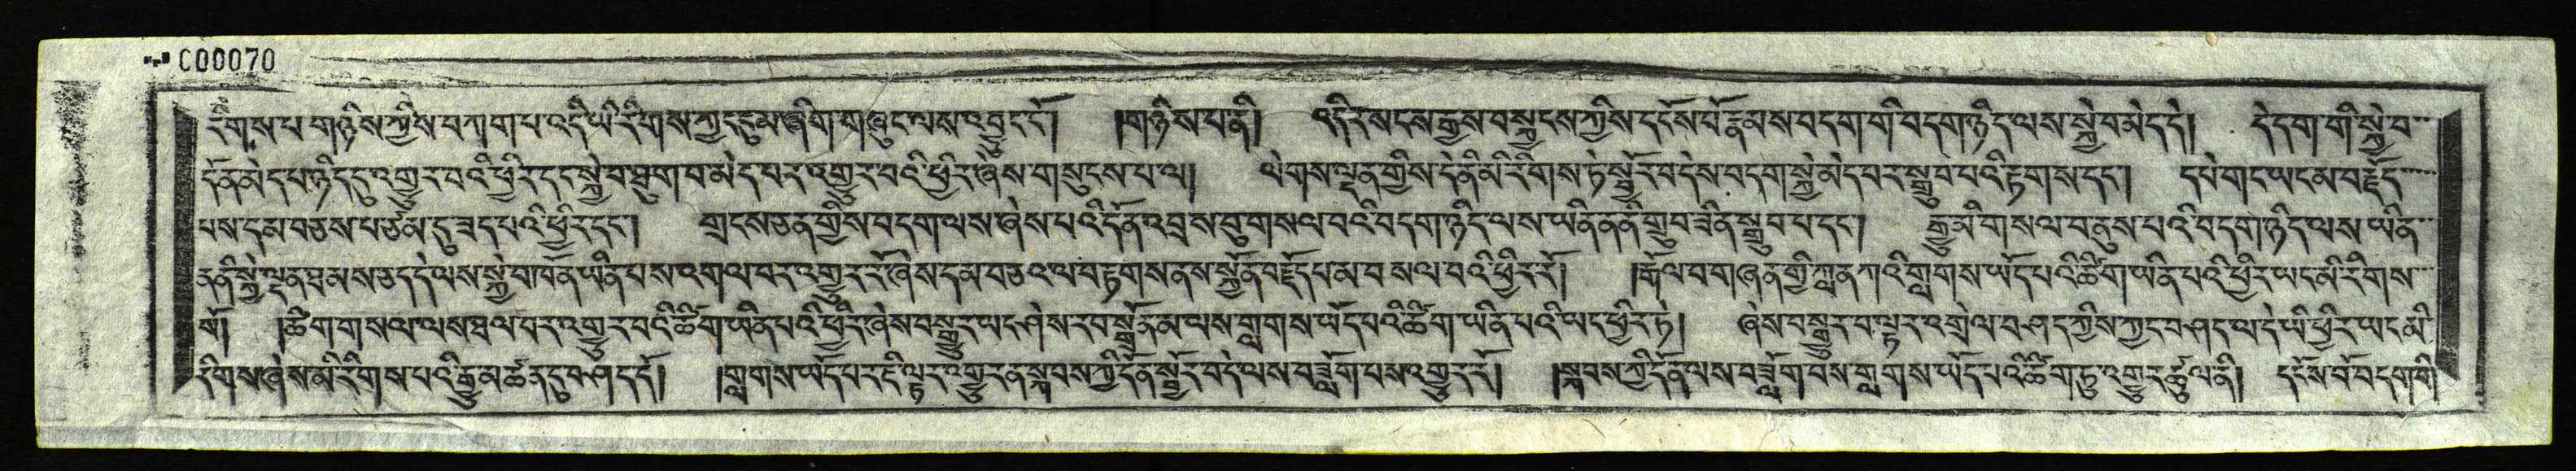རིགས་པ་གཉིས་ཀྱིས་བཀག་པ་འདི་ཡི་རིགས་ཀྱང་དུ་མ་ཞིག་གཞུང་ལས་འབྱུང་ངོ། །གཉིས་པ་ནི། འདིར་སངས་རྒྱས་བསྐྱངས་ཀྱིས་དངོས་པོ་རྣམས་བདག་གི་བདག་ཉིད་ལས་སྐྱེ་བ་མེད་དེ། དེ་དག་གི་སྐྱེ་བ་
དོན་མེད་པ་ཉིད་དུ་འགྱུར་བའི་ཕྱིར་དང་སྐྱེ་བ་ཐུག་པ་མེད་པར་འགྱུར་བའི་ཕྱིར་ཞེས་གསུངས་པ་ལ། ལེགས་ལྡན་གྱིས་དེ་ནི་མི་རིགས་ཏེ་སྦྱོར་བ་དེས་བདག་སྐྱེ་མེད་པར་སྒྲུབ་པའི་རྟགས་དང་། དཔེ་གང་ཡང་མ་བརྗོད་
པས་དམ་བཅས་པ་ཙམ་དུ་ཟད་པའི་ཕྱིར་དང་། གྲངས་ཅན་གྱིས་བདག་ལས་ཞེས་པའི་དོན་འབྲས་བུ་གསལ་བའི་བདག་ཉིད་ལས་ཡིན་ན་ནི་གྲུབ་ཟིན་སྒྲུབ་པ་དང་། རྒྱུ་མི་གསལ་བ་ནུས་པའི་བདག་ཉིད་ལས་ཡིན་
ན་ནི་སྐྱེ་ལྡན་ཐམས་ཅད་དེ་ལས་སྐྱེ་བ་ཁོ་ན་ཡིན་པས་འགལ་བར་འགྱུར་རོ་ཞེས་དམ་བཅའ་ལ་བརྟགས་ནས་སྐྱོན་བརྗོད་པ་མ་བསལ་བའི་ཕྱིར་རོ། །རྒོལ་བ་གཞན་གྱི་ཀླན་ཀའི་གླགས་ཡོད་པའི་ཚིག་ཡིན་པའི་ཕྱིར་ཡང་མི་རིགས་
སོ། །ཚིག་གསལ་ལས་ཐལ་བར་འགྱུར་བའི་ཚིག་ཡིན་པའི་ཕྱིར་ཞེས་བསྒྱུར་ཡང་ཤེས་རབ་སྒྲོན་མ་ལས་གླགས་ཡོད་པའི་ཚིག་ཡིན་པའི་ཡང་ཕྱིར་ཏེ། ཞེས་བསྒྱུར་བ་ལྟར་འགྲེལ་བཤད་ཀྱིས་ཀྱང་བཤད་ལ་དེ་ཡི་ཕྱིར་ཡང་མི་
རིགས་ཞེས་མི་རིགས་པའི་རྒྱུ་མཚན་དུ་བཤད་དོ། །གླགས་ཡོད་པར་ཇི་ལྟར་འགྱུར་ན་སྐབས་ཀྱི་དོན་སྦྱོར་བདེ་ལས་བཟློག་པས་འགྱུར་རོ། །སྐབས་ཀྱི་དོན་ལས་བཟློག་པས་གླགས་ཡོད་པའི་ཚིག་ཏུ་འགྱུར་ཚུལ་ནི། དངོས་པོ་བདག་གི་